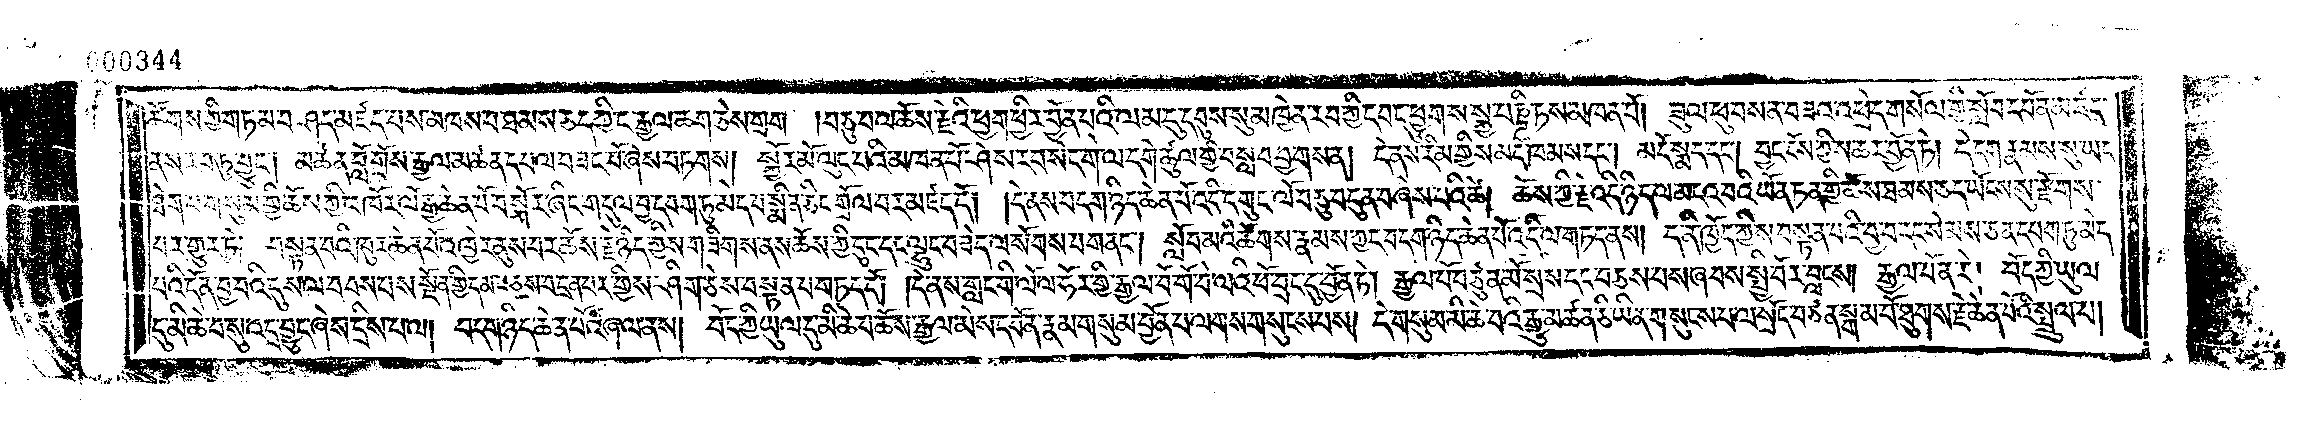ཚོགས་ཀྱི་གཏམ་བཤད་མཛད་པས་མཁས་པ་ཐམས་ཅད་ཀྱི་ང་རྒྱལ་ཆག་ཅེས་གྲག །བཅུ་པ་ལ་ཆོས་རྗེའི་ཕྱག་ཕྱིར་བྱོན་པའི་ལམ་དུ་དབུས་སུ་མཁྱེན་རབ་ཀྱི་དབང་ཕྱུགས་སྐྱ་པཎྜི་ཏས་མཁན་པོ། ཟུལ་ཕུ་བསན་བཟའ་འཕྲེང་གསོལ་གྱི་སློབ་དཔོན་མཛད་
ནས་རབ་ཏུ་བྱུང་། མཚན་བློ་གྲོས་རྒྱལ་མཚན་དཔལ་བཟང་པོ་ཞེས་བཏགས། སྐྱོར་མོ་ལུང་པའི་མཁན་པོ་ཤེས་རབ་སེང་དགེ་ལ་དགེ་ཚུལ་གྱི་བསླབ་བྱ་གསན། དེ་ནས་རིམ་གྱིས་མདོ་ཁམས་དང་། མདོ་སྨད་དང་། བྱང་ངོས་ཀྱི་ས་ཆར་བྱོན་ཏེ། དེ་དག་རྣམས་སུ་ཡང་
ཐེག་པ་གསུམ་གྱི་ཆོས་ཀྱི་འཁོར་ལོ་རྒྱ་ཆེན་པོ་བསྐོར་ཞིང་གདུལ་བྱ་དཔག་ཏུ་མེད་པ་སྨིན་ཅིང་གྲོལ་བར་མཛད་དོ། །དེ་ནས་བདག་ཉིད་ཆེན་པོ་འདི་དགུང་ལོ་བཅུ་བདུན་བཞེས་པའི་ཚེ། ཆོས་ཀྱི་རྗེ་འདི་ཉིད་ལ་མངའ་བའི་ཡོན་ཏན་གྱི་ཆོས་ཐམས་ཅད་ཡོངས་སུ་རྫོགས་
པར་གྱུར་ཏེ༑ བསྟན་པའི་ཁུར་ཆེན་པོ་འཁྱེར་ནུས་པར་ཆོས་རྗེ་ཉིད་ཀྱིས་གཟིགས་ནས་ཆོས་ཀྱི་དུང་དང་ལྷུང་བཟེད་ལ་སོགས་པ་གནང་། སློབ་མའི་ཚོགས་རྣམས་ཀྱང་བདག་ཉིད་ཆེན་པོ་འདི་ལ་གཏད་ནས། ད་ནི་ཁྱོད་ཀྱིས་བསྟན་པའི་བྱ་བ་དང་སེམས་ཅན་དཔག་ཏུ་མེད་
པའི་དོན་བྱ་བའི་དུས་ལ་བབས་པས་སྔོན་གྱི་དམ་བཅས་པ་དྲན་པར་གྱིས་ཤིག་ཅེས་བསྟན་པ་གཏད་དོ། །དེ་ནས་གླང་གི་ལོ་ལ་ཧོར་གྱི་རྒྱལ་བོ་གོ་བེ་ལའི་ཕོ་བྲང་དུ་བྱོན་ཏེ། རྒྱལ་པོ་བཙུན་མོ་སྲས་དང་བཅས་པས་ཞབས་སྤྱི་བོར་བླངས། རྒྱལ་པོ་ན་རེ། བོད་ཀྱི་ཡུལ་
དུ་མི་ཆེ་བ་སུ་འདྲ་བྱུང་ཞེས་དྲིས་པ་ལ། བདག་ཉིད་ཆེན་པོའི་ཞལ་ནས། བོད་ཀྱི་ཡུལ་དུ་མི་ཆེ་པ་ཆོས་རྒྱལ་མེས་དབོན་རྣམ་གསུམ་བྱོན་བ་ལགས་གསུངས་པས། དེ་གསུམ་མི་ཆེ་བའི་རྒྱུ་མཚན་ཅི་ཡིན་གསུངས་པ་ལ་སྲོང་བཙན་སྒམ་བོ་ཐུགས་